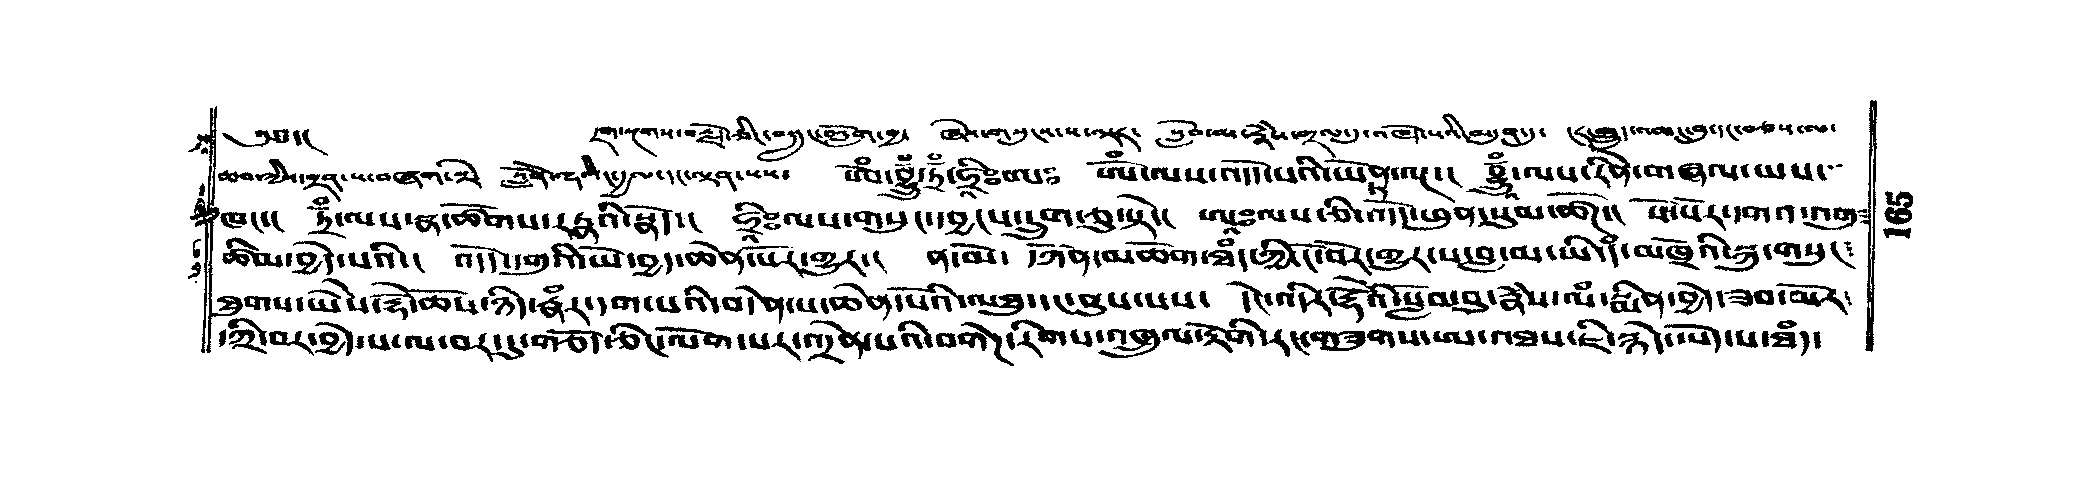དྲག་སྔགས་བརྗོད་ཅིང་བསྲུང་བཟློག་བྱ། ཞེས་གསུངས་པ་ལྟར། སློབ་མ་རྣམས་གྲལ་དུ་འཁོད་པའི་མདུན་དུ། ངར་གླུད་འཆང་བུ་དང་བཅས་ལ་
ཆབ་ཀྱིས་དབྲན་པ་བཞག་སྟེ། སློབ་དཔོན་ལྷའི་ང་རྒྱལ་དང་ལྡན་པས། ཨོཾ་བྷྲུྃ་ཏྲྃ་ཧྲཱིཿཨཿ ཨོཾ་ལས་འདོད་པའི་ཡོན་ཏན་ལྔ། བྷྲཱུྃ་ལས་རིན་ཆེན་གཞལ་ཡས་
ཁང་། ཏྲྃ་ལས་སྣ་ཚོགས་རཏྣའི་སྣོད། ཧྲཱིཿལས་གསུང་དབྱངས་དྲུག་ཅུ་སྟེ། ཨཱཿལས་ཅི་འདོད་ཕུན་སུམ་ཚོགས། སོ་སོར་དགའ་འགུ་
ཚིམ་བྱེད་པའི། འདོད་དགུའི་ཡོ་བྱད་ཆེན་པོར་གྱུར། ན་མོ། དཀོན་མཆོག་ཐམས་ཅད་ཀྱི་ངོ་བོར་གྱུར་པ་བླ་མ་ཡི་དམ་མཁའ་འགྲོའི་སྐུ་གསུང་
ཐུགས་ཡེ་ཤེས་རྡོ་རྗེ་ཆོས་ཉིད་རྣམ་པར་དག་པའི་བདེན་པ་ཆེན་པོའི་མཐུ་དང་ནུས་པས། དེང་འདིར་རྡོ་རྗེའི་སློབ་བུ་རྣམས་ལམ་སྨིན་བྱེད་ཟབ་མོར་
དཀྲི་བར་བྱེད་པ་ལ་བར་དུ་གཅོད་ཅིང་ལོག་པར་འདྲེན་པའི་བགེགས་རིགས་འཁྲུལ་རྟོག་གི་རང་གཟུགས་ཨ་འཐས་ཇི་སྙེད་ཡོད་པ་ཐམས་ཅད་